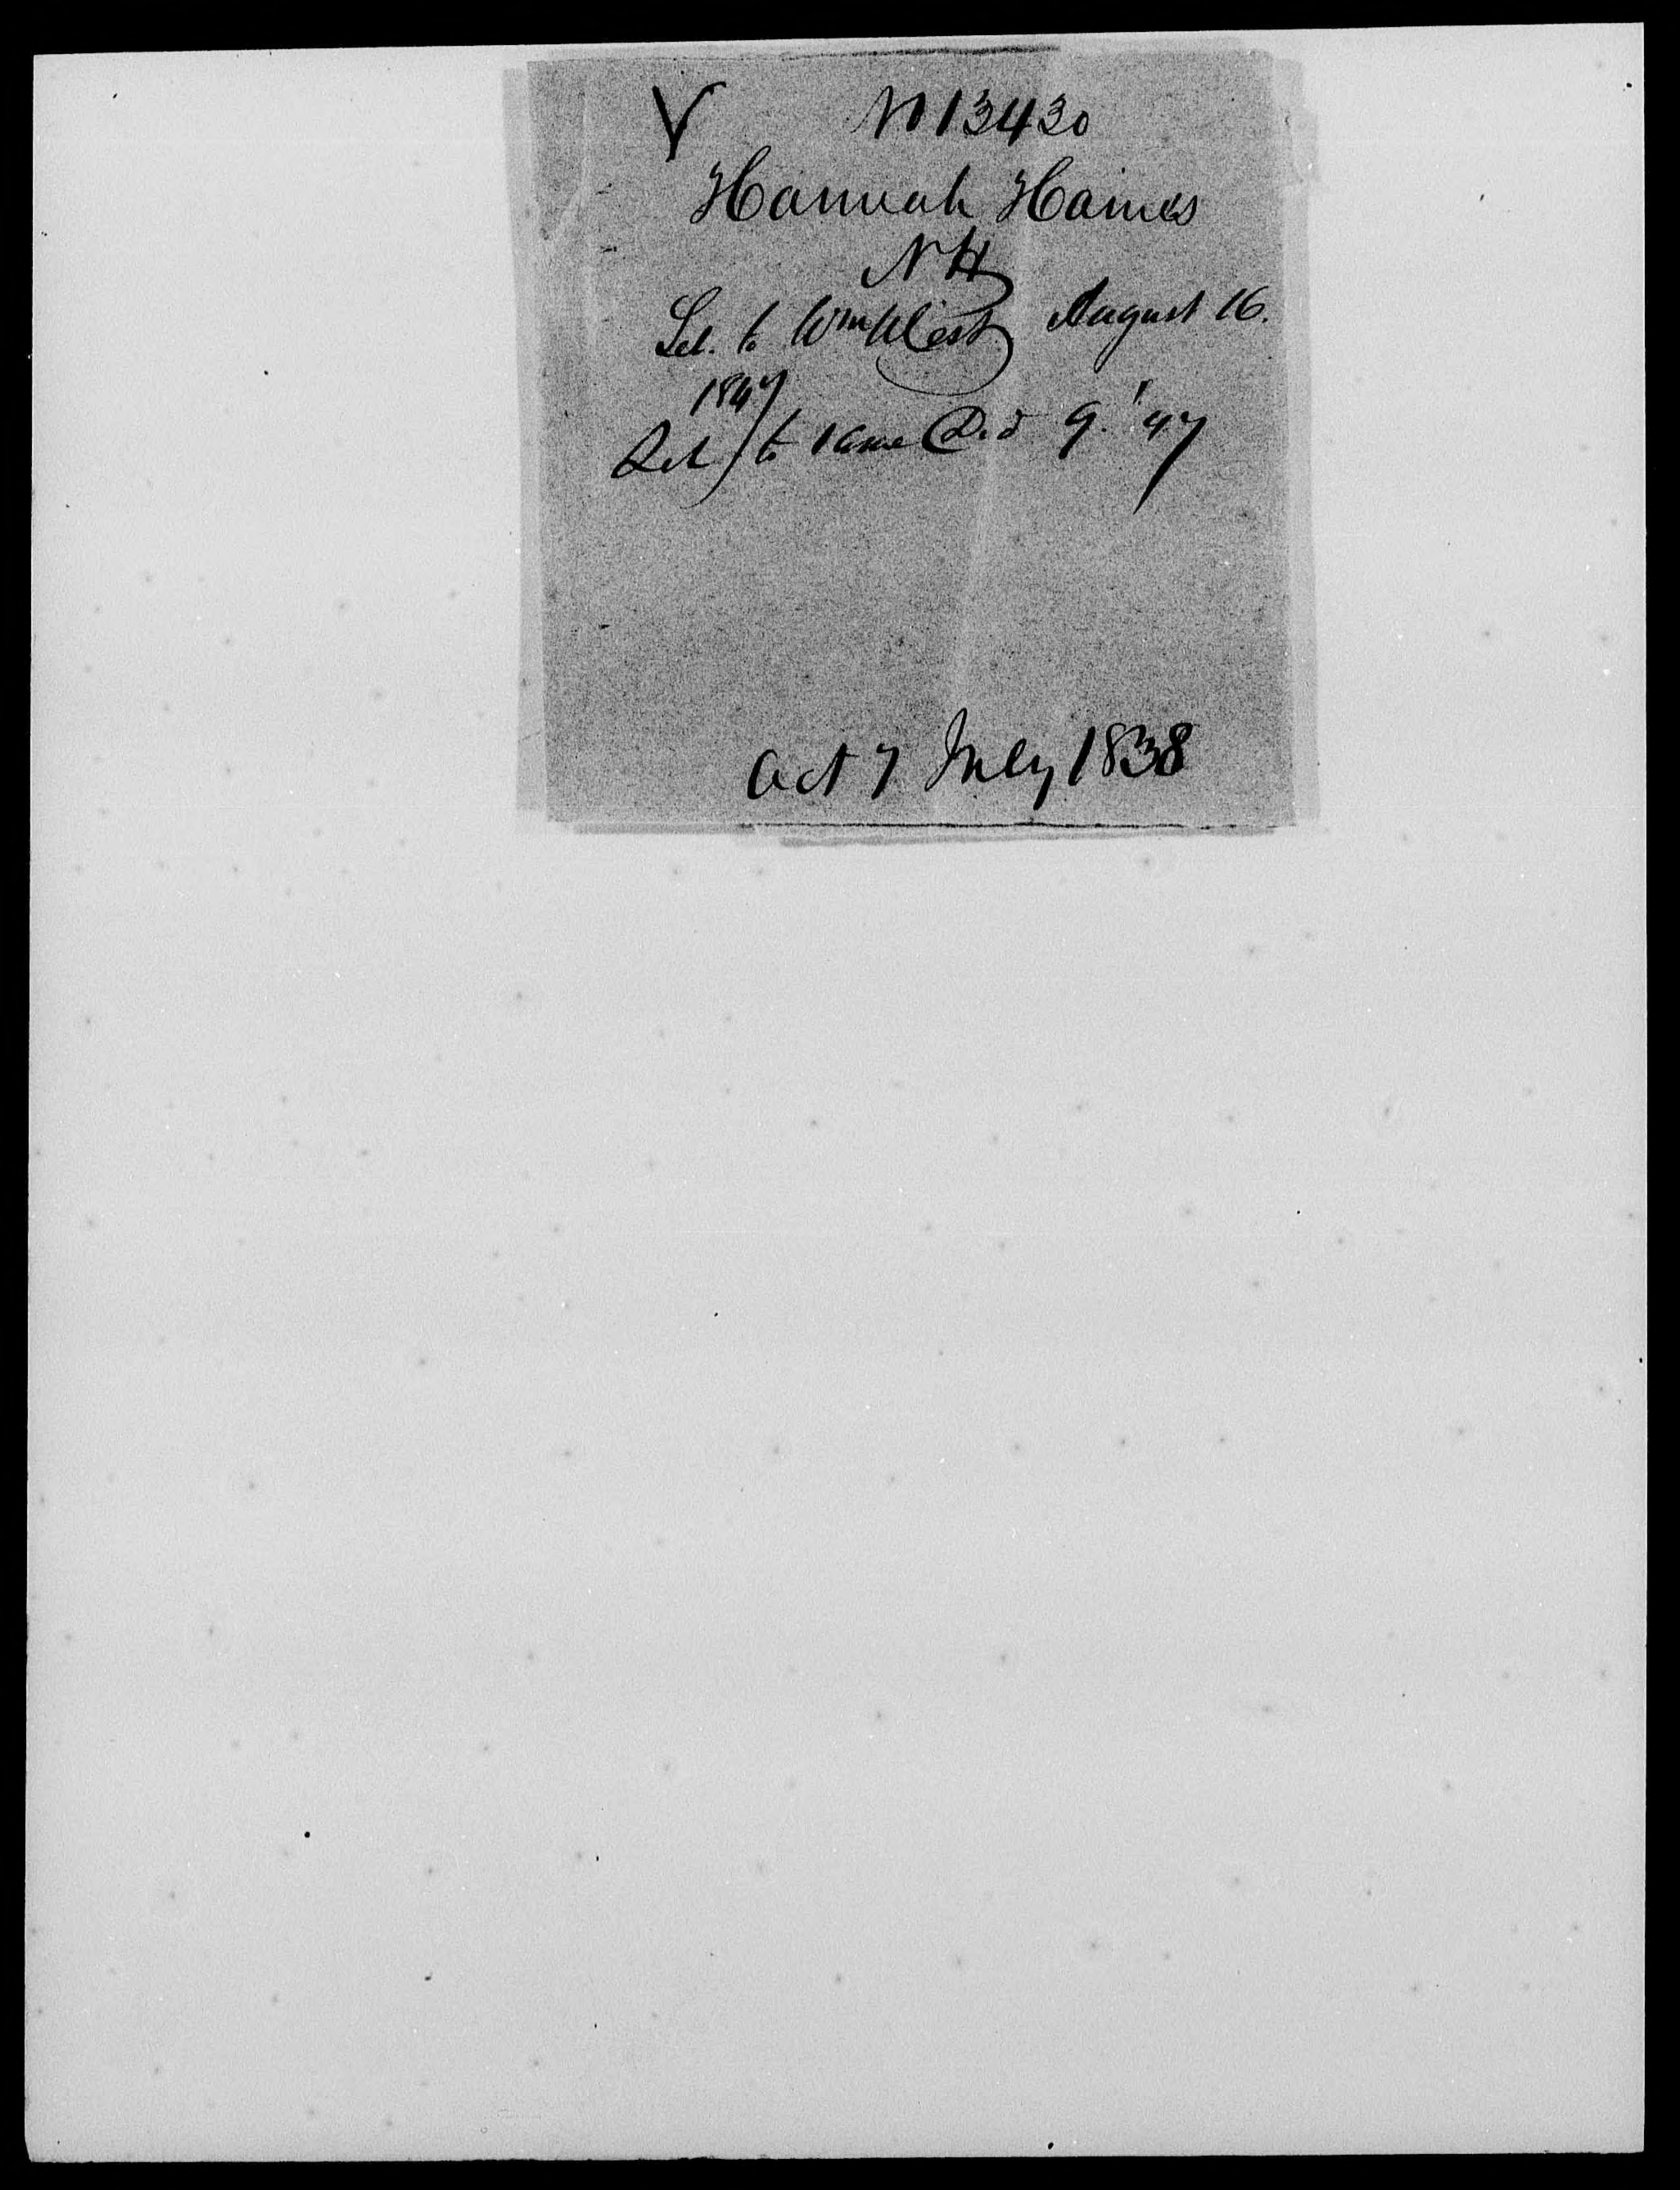V     No 13430
Hannah Haines
NH
Let. To Wm West August 16
1847
Let to same Dcd 9 ‘47

Act 7 July 1838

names: Wm West, Hannah Haines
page: 23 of 57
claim: widow's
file: W. 23217, Thomas Haines, N H